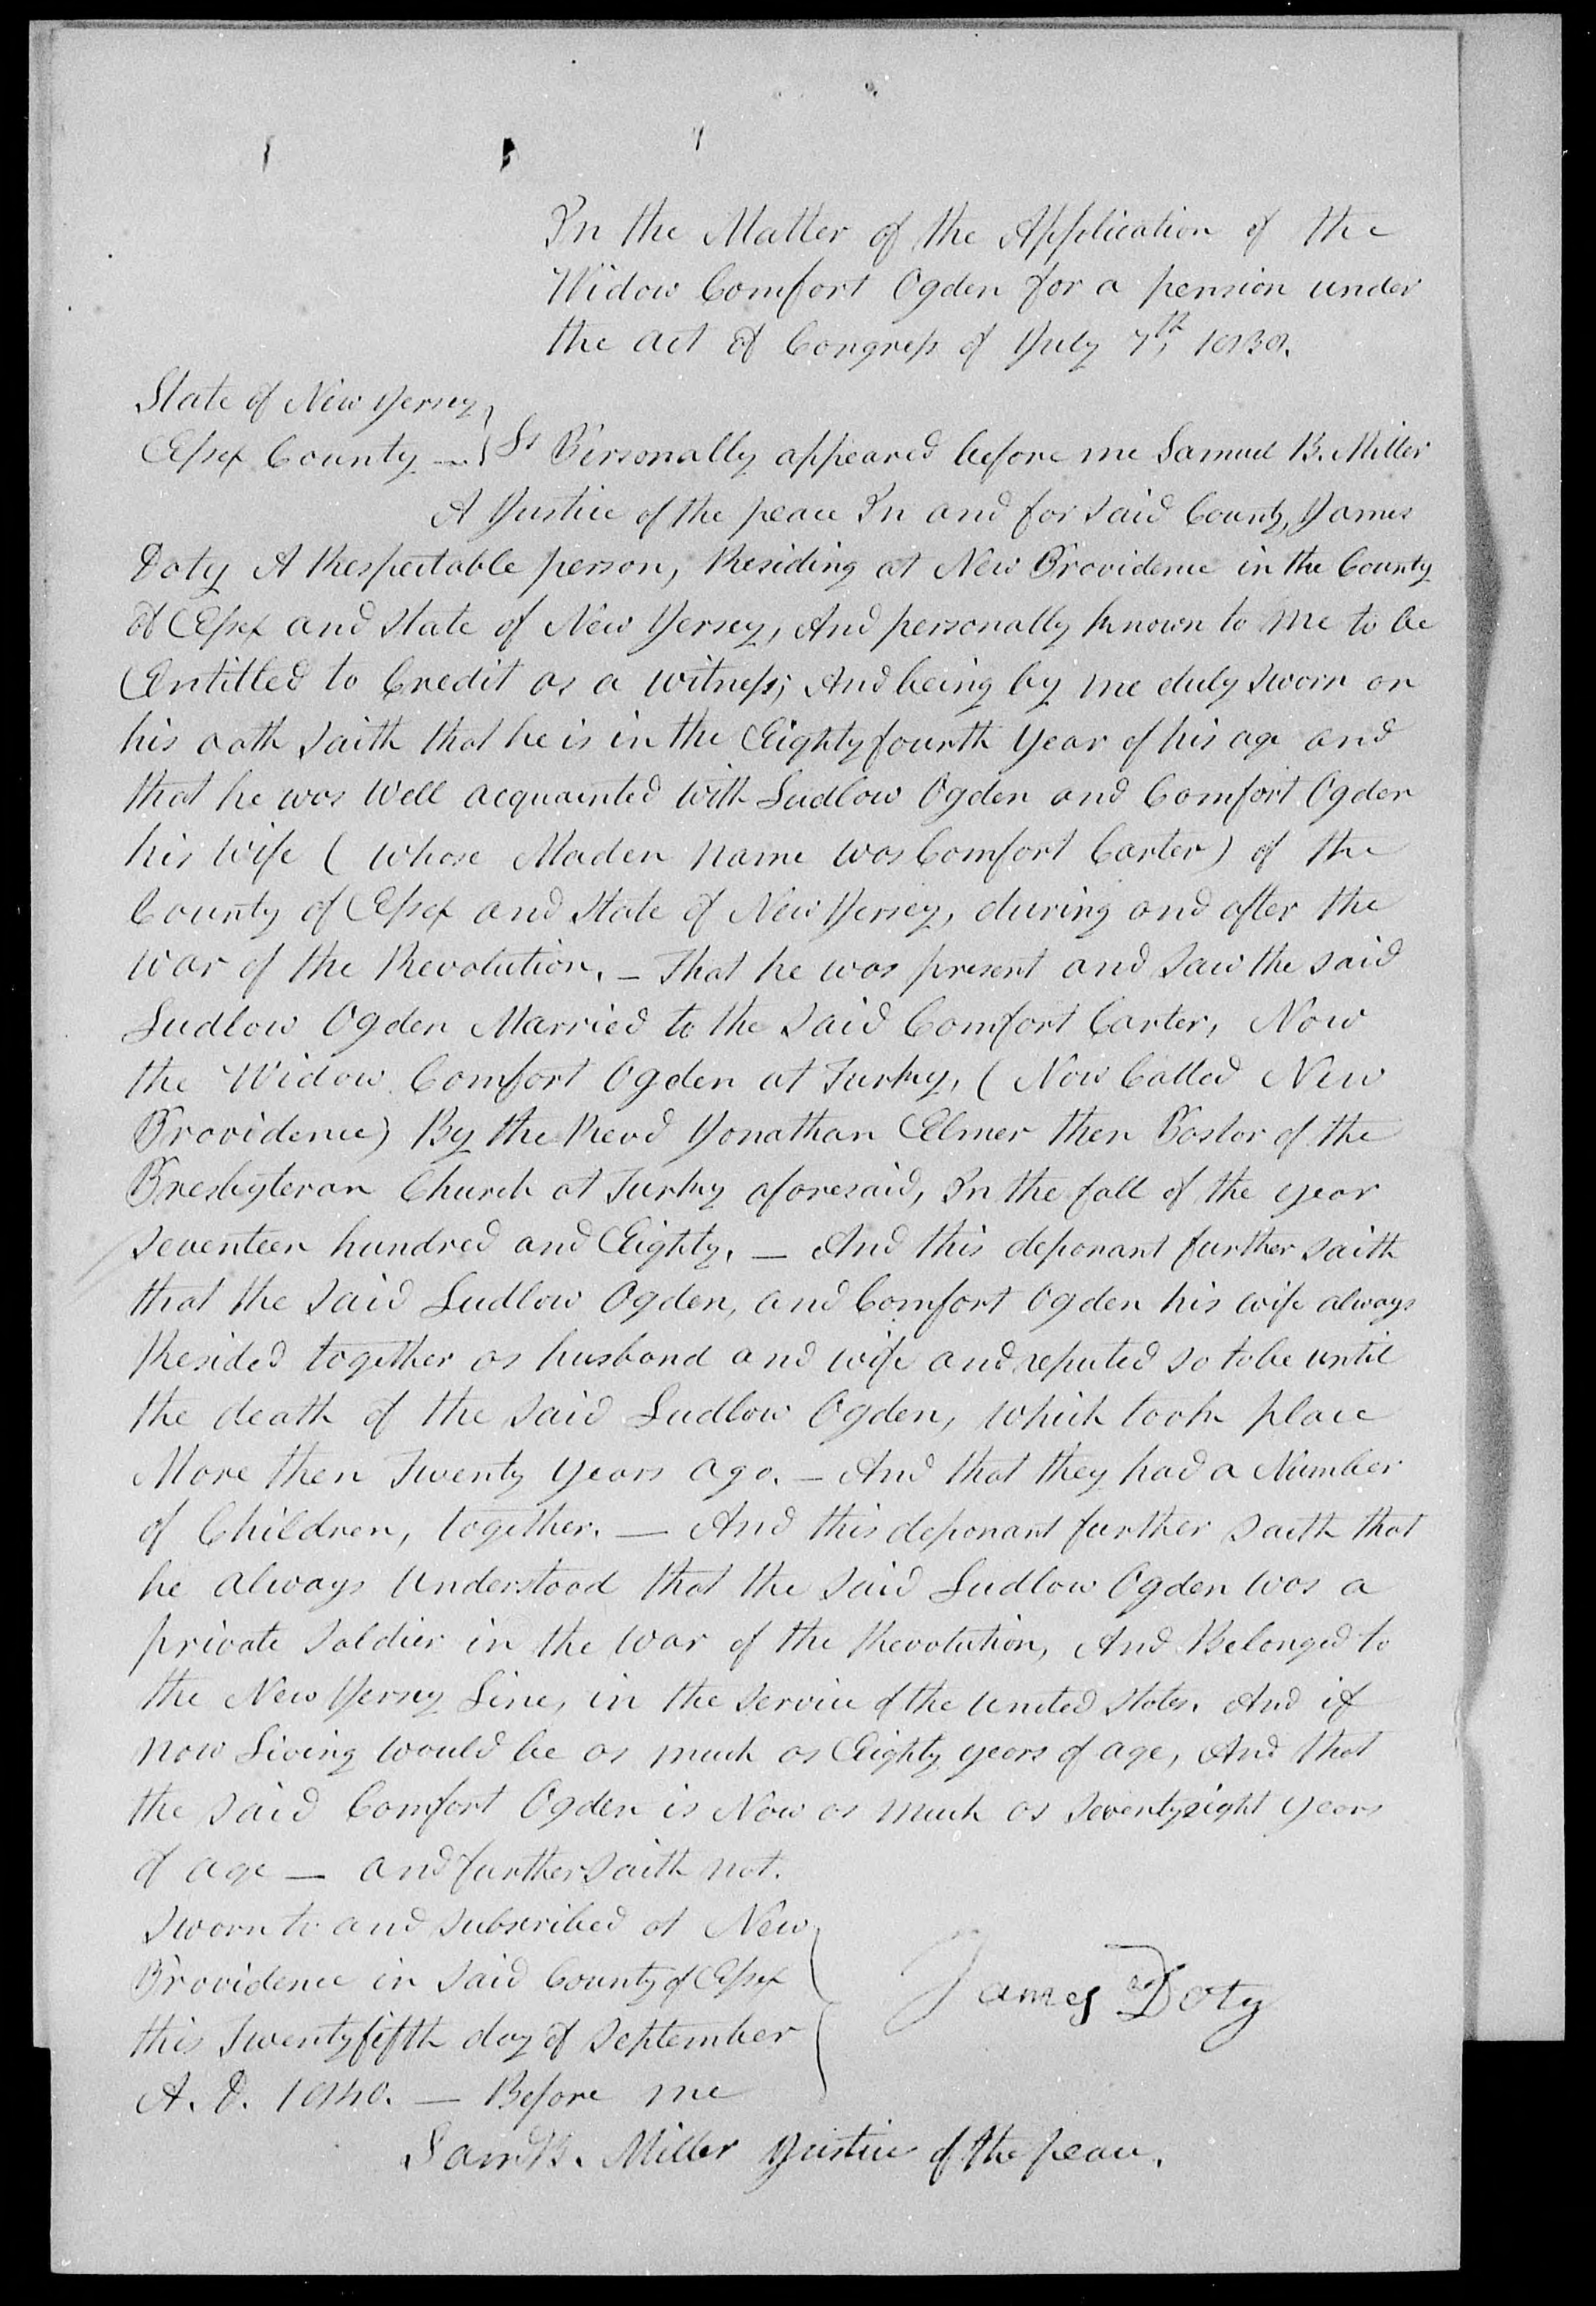In the Matter of the Application of the
  Widow Comfort Ogden for a pension under
   the act of Congress of July 7th, 1838

State of New Jersey  )
Essex County            )  Ss
  Personally appeared before me Samuel B. Miller A Justice of the peace In and for said County James Doty A Respectable person, Residing at New Providence in the County of Essex and State of New Jersey, And personally known to me to be Entitled to Credit as a witness; And being by me duly sworn on his oath saith that he is in the Eighty fourth year of his age and that he was well acquainted with Ludlow Ogden and Comfort Ogden his wife (whose Maden name was Comfort Carter) of the County of Essex and State of New Jersey, during and after the War of the Revolution. - That he was present and saw the said Ludlow Ogden Married to the Said Comfort Carter, Now the Widow Comfort Ogden at Turkey (Now Called New Providence) By the Revd Jonathan Elmer then Paster of the Presbyteran Church at Turkey aforesaid, In the fall of the year seventeen hundred and Eighty. - And this deponant further saith that the said Ludlow Ogden and Comfort Ogden his wife always Resided together as husband and wife and reputed so to be until the death of the said Ludlow Ogden, which took place More then Twenty years ago. - And that they had a Number of Children together.  And this deponant further saith that he always Understood that the Said Ludlow Ogden was a private Soldier in the War of the Revolution, And Belonged to the New Jersey Line, in the service of the United States.  And if now Living would be as much as Eighty years of age, And that the said Comfort Ogden is Now as much as Seventy eight years of age - and further saith not.
      James Doty
Sworn and Subscribed at New         )
Providence in Said County of Essex  )
this Twenty fifth day of September   )
A.D. 1840 _ Before me                       )
   Sam B. Miller Justice of the peace.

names: Ludlow Ogden; Comfort Ogden; James Doty; Samuel B Miller; Jonathan Elmer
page: 8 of 25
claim: widow's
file: W. 187, for Ludlow Ogden, New Jersey